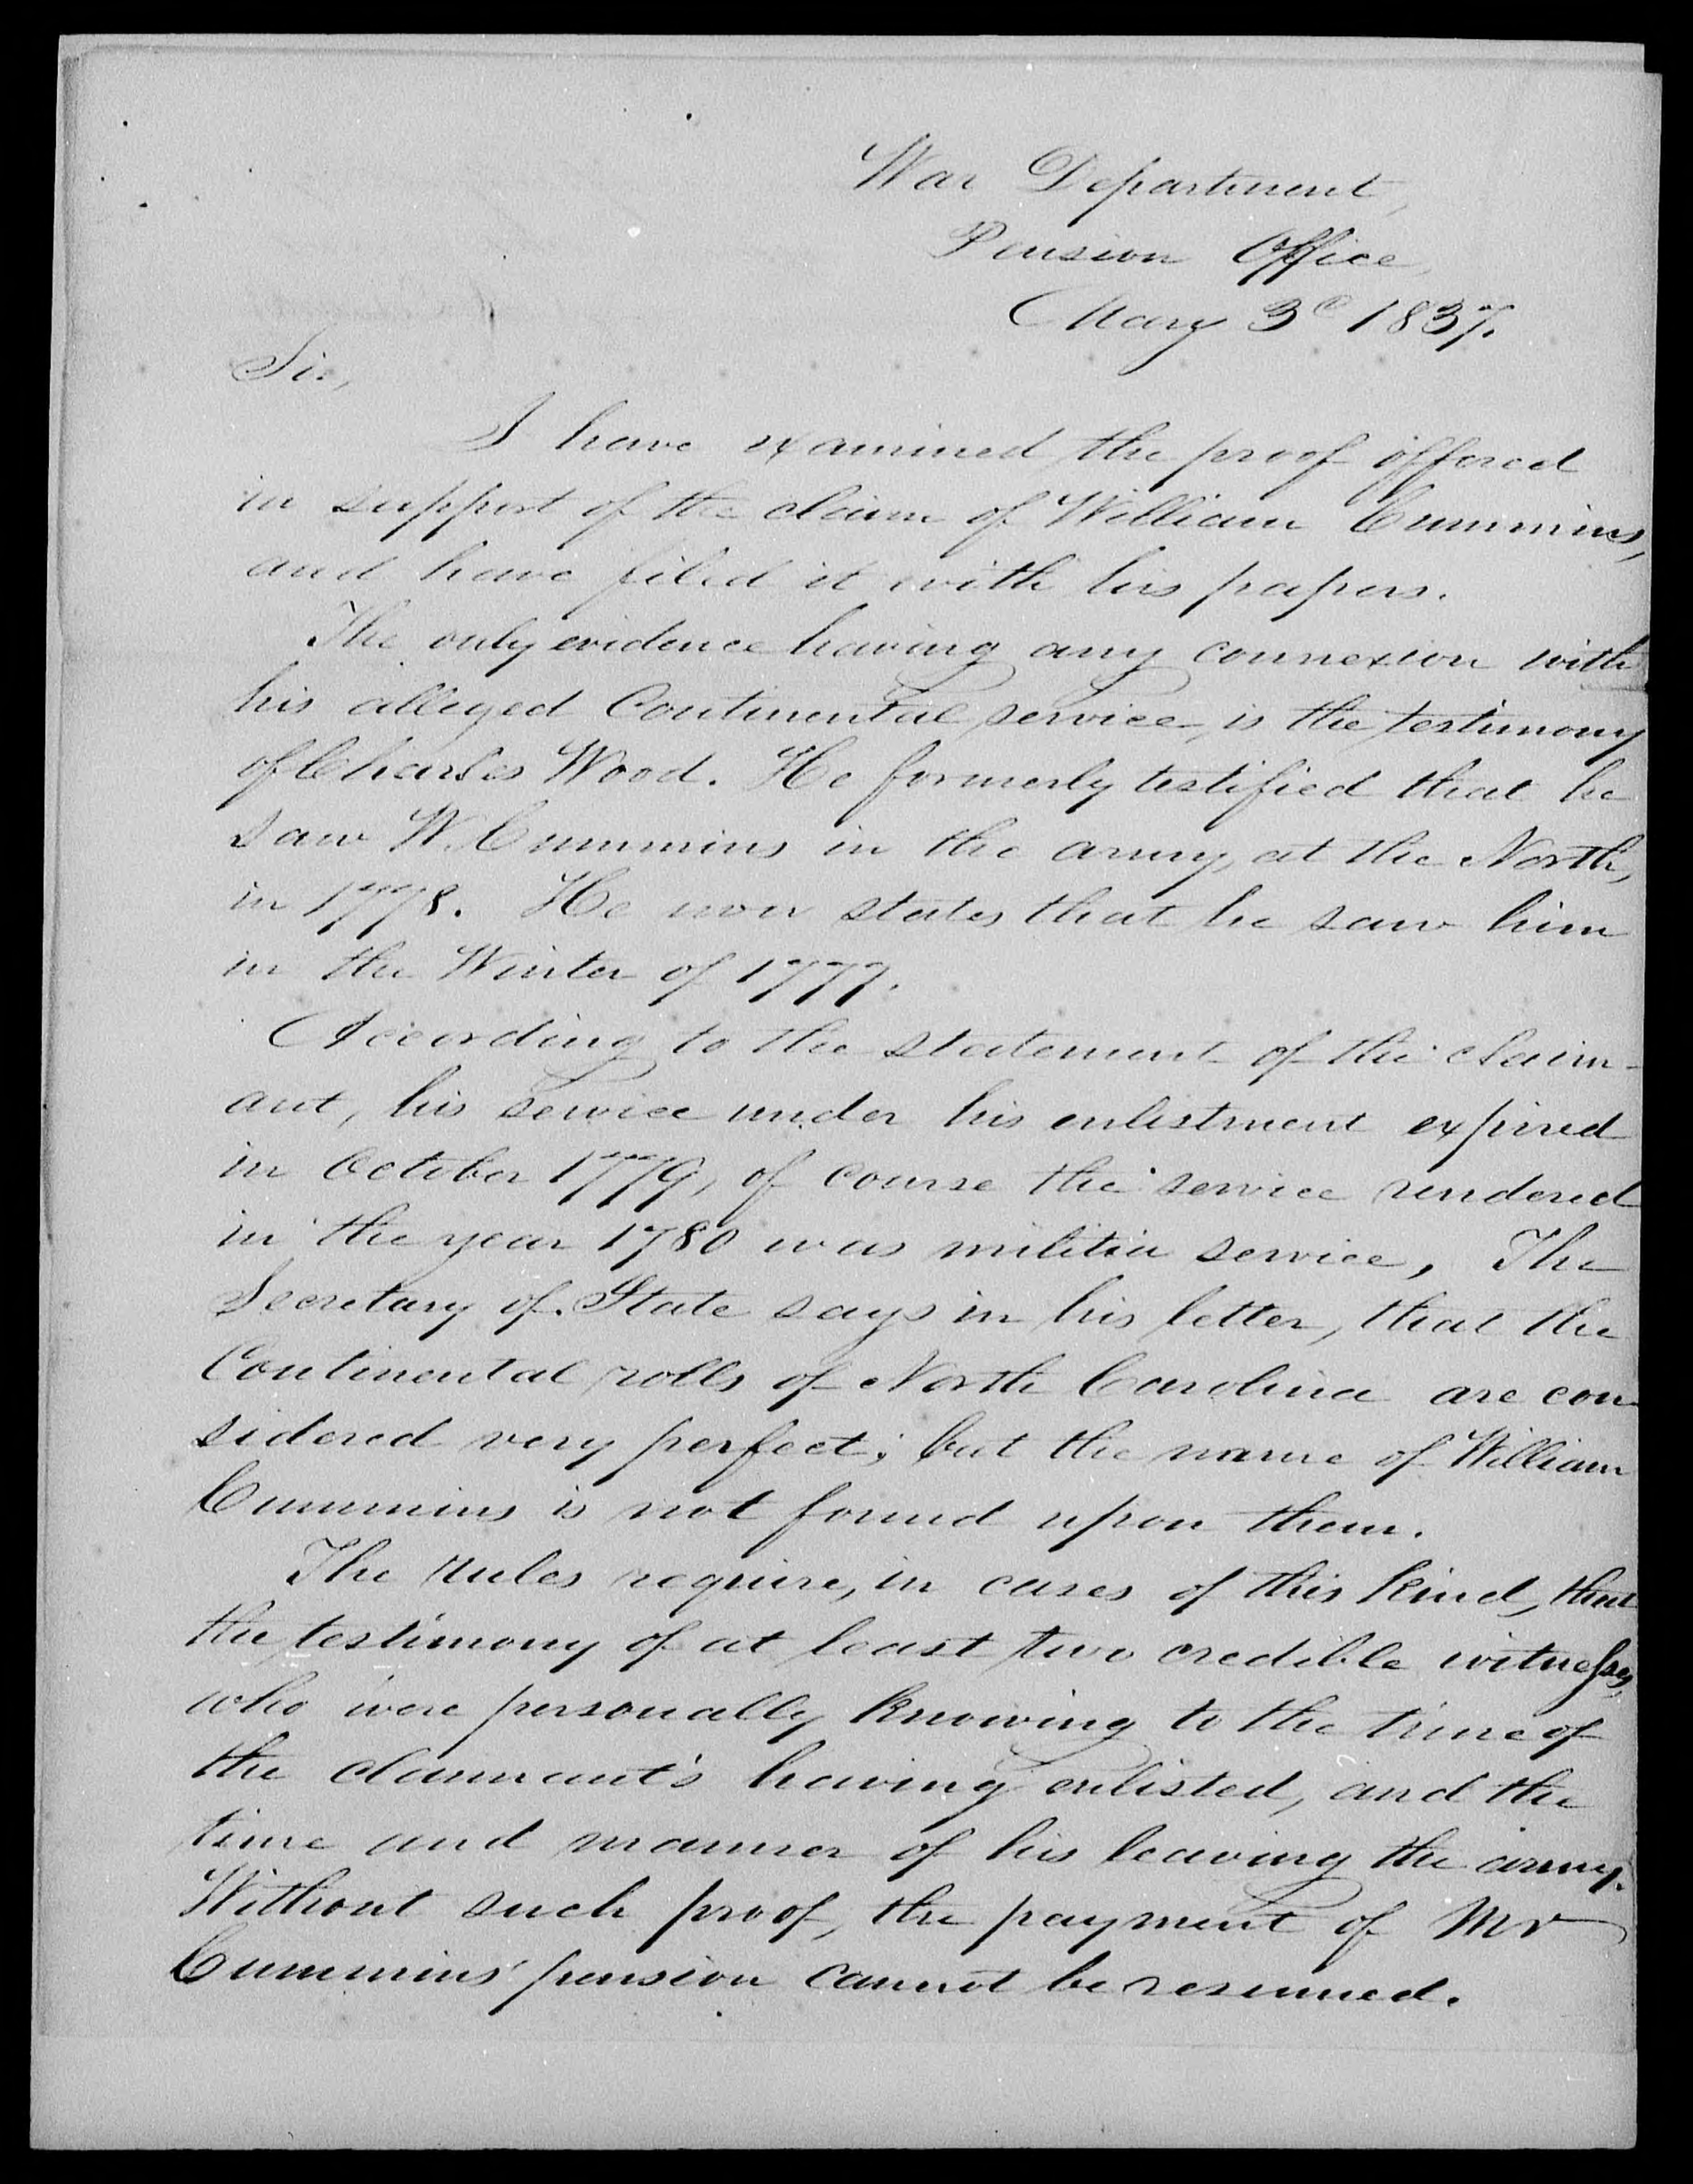[First page of handwritten letter.  Occasional spacing has been included, to make the text block easier to read.]

War Department, 
Pension Office,
May 3d 1837.

Sir, 

I have examined the proof offered in support of the claim of William Cummins, and have filed it with his papers.

The only evidence having any connexion [connection] with his alleged Continental service, is the testimony of Charles Wood.  He formerly testified that he Saw W. Cummins in the army, at the North, in 1778.  He [?] now states that he saw him in the Winter of 1777.

According to the statement of the claimant, his service under his enlistment expired in October 1779, of course the service rendered in the year 1780 was militia service, The Secretary of State says in his letter, that the Continental Rolls of North Carolina are considered very perfect; but the name of William Cummins is not found upon them.

The rules require, in cases of this kind, that the testimony of at least two credible witnesses, who were personally knowing to the time of the claimant's having enlisted, and the time and manner of his leaving the army.  Without such proof, the payment of Mr Cummins' pension cannot be resumed.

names: W Cummins, Charles Wood, William Cummins, Cummins, William Cummins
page: 89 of 145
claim: survivor's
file: S. 8265, William Cumming, N.C.